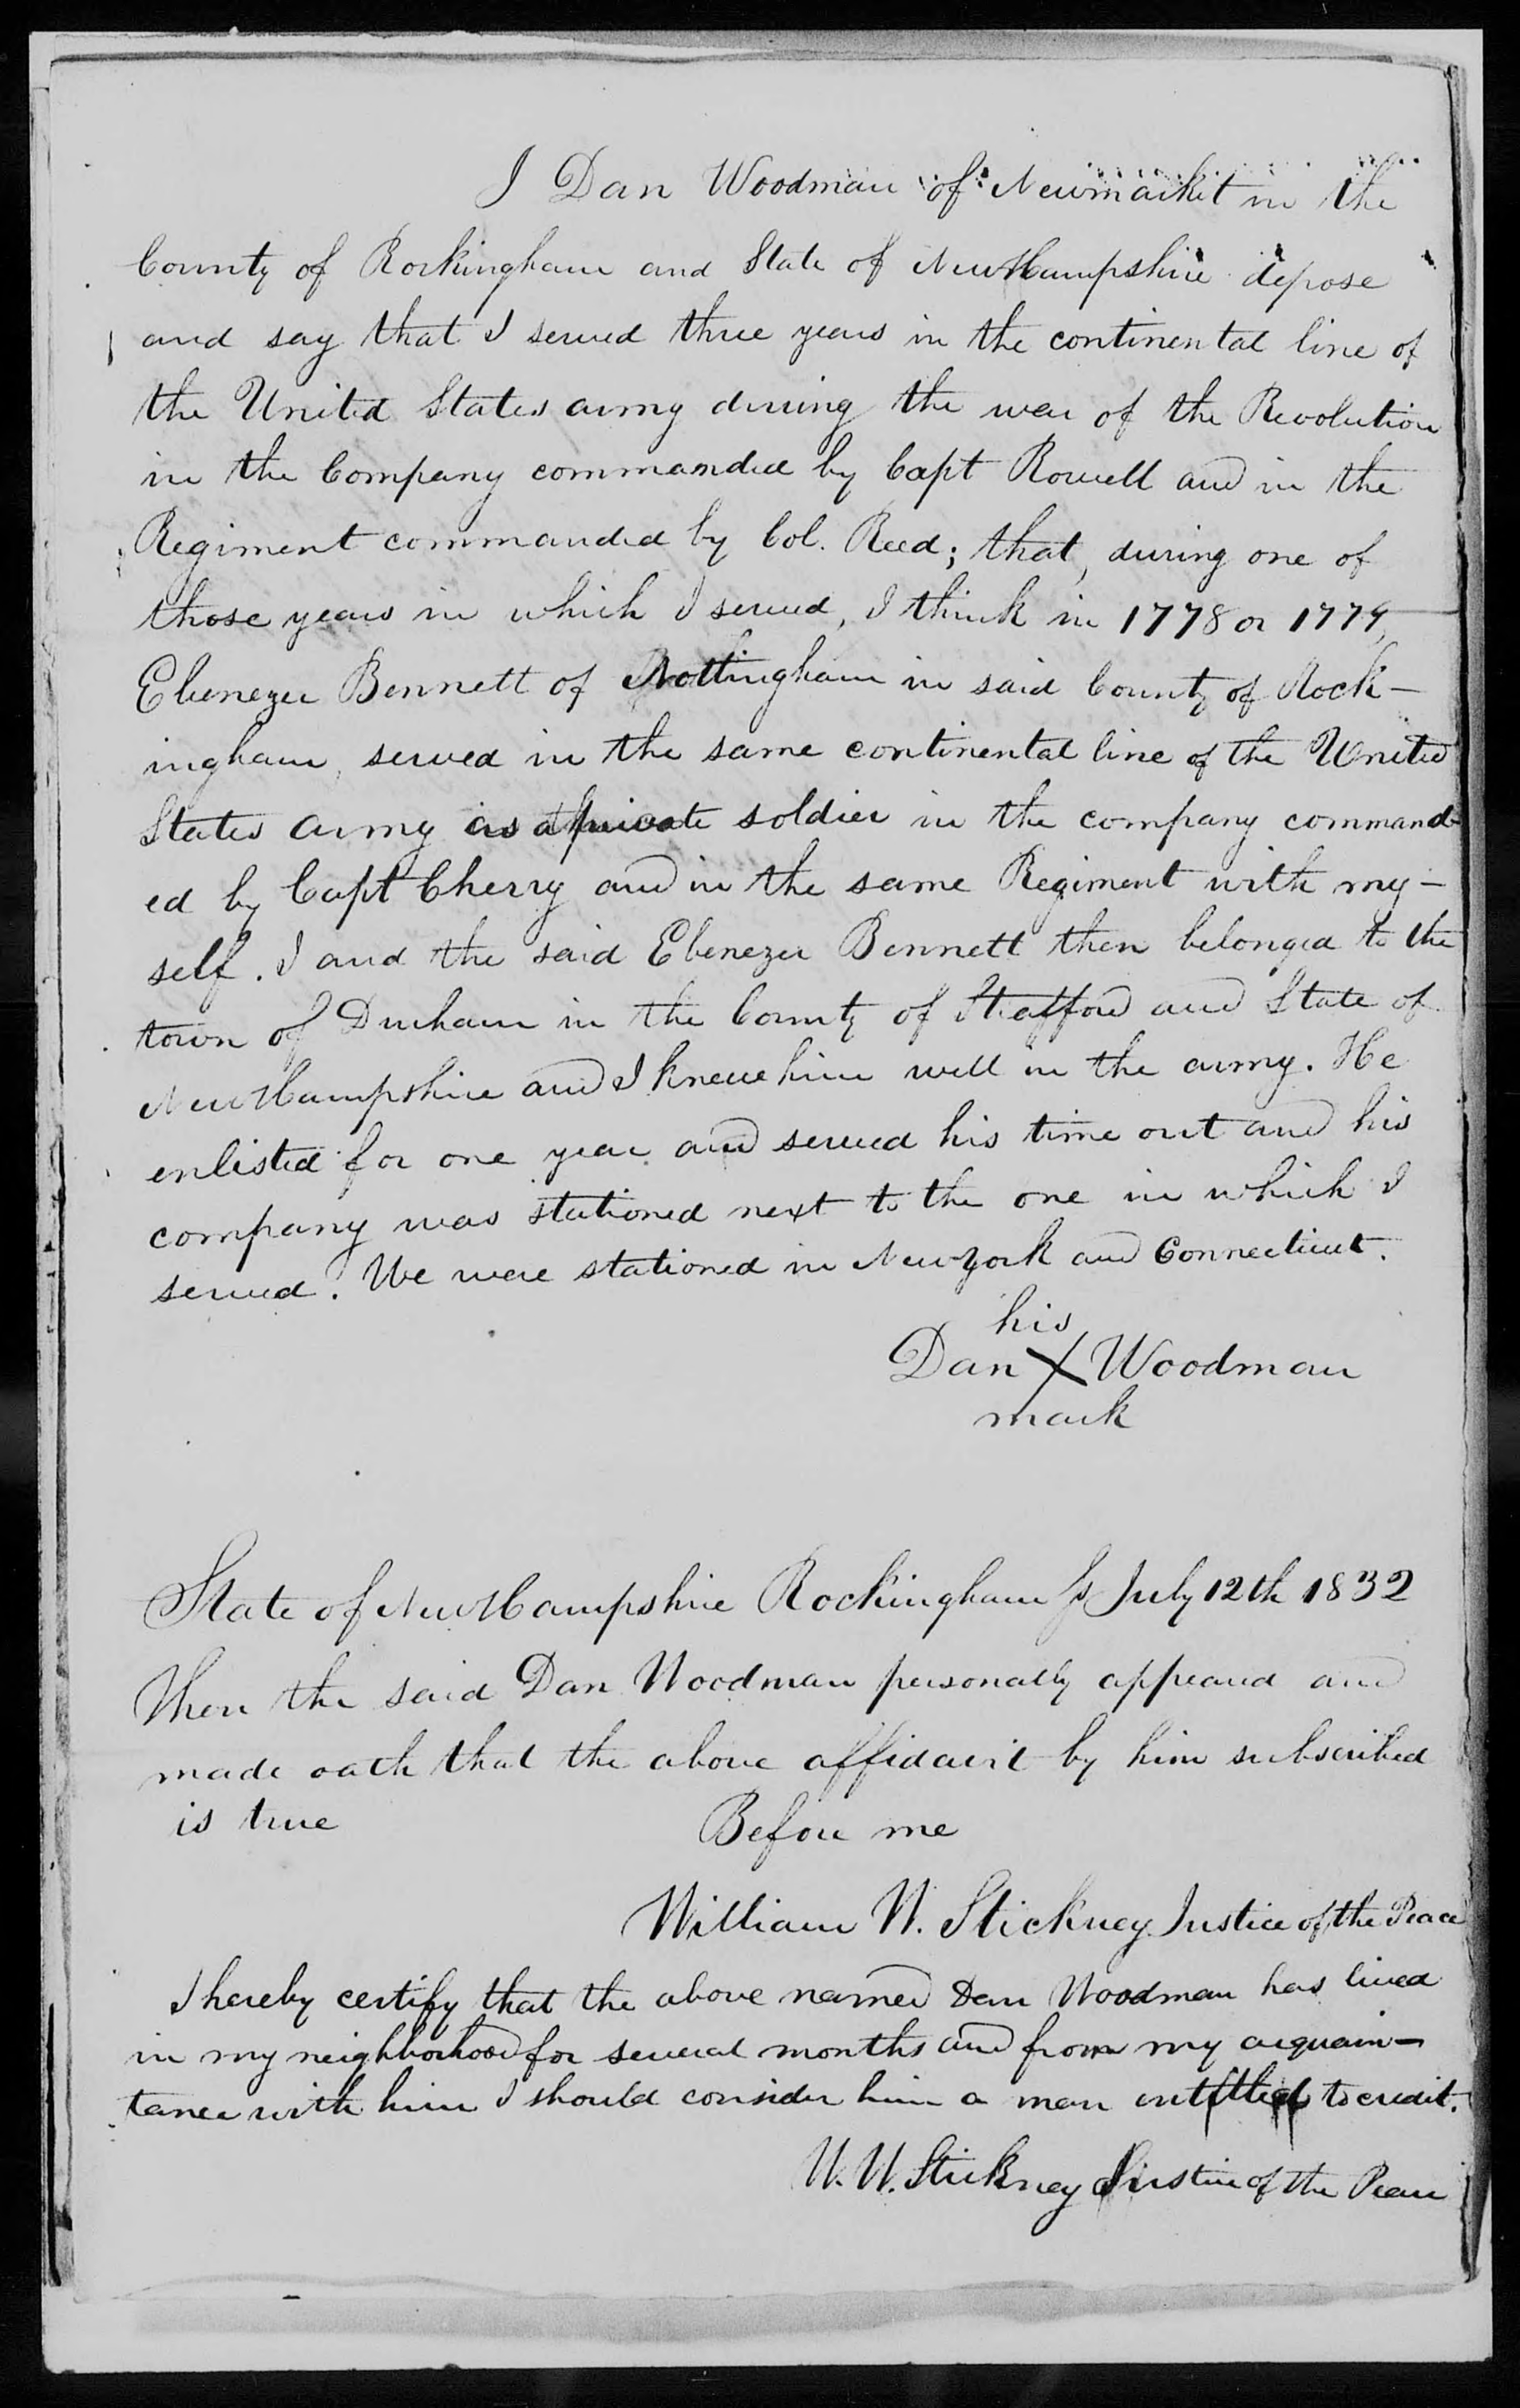I Dan Woodman of Newmarket in the
County of Rockingham and State of New Hampshire depose and say that I served three years in the continental line of the United States army during the war of the Revolution in the Company commanded by Capt Rowell and in the
Regiment commanded by Col. Reed; that, during one of those years in which I served, I think in 1778 or 1779, Ebenezer Bennett of Nottingham in said County of Rockingham, served in the same continental line of the United States army as a private soldier in the company command by Capt Cherry and in the same Regiment with myself. I and the said Ebenezer Bennett then belonged to the town of Durham in the County of Stafford and State of New Hampshire and I knew him well in the army. He enlisted for one year and served his time out and his company was stationed next to the one in which I served. We were stationed in New York and Connecticut his X
Dan Woodman
Mark

State of New Hampshire Rockingham ss July 12th 1832 Then the said Dan Woodman personally appeared and made oath that the above affidavit by him subscribed is true
Before me
William W. Stickney Justice of the Peace
I hereby certify that the above named Dan Woodman has lived in my neighborhood for several months and from my acquaintance
with him I should consider him a man entitled to credit.
W. W. Stickney Justice of the Peace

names: Dan Woodman, William W Stickney, Dan Woodman, Reed, Ebenezer Bennett, Cherry, Ebenezer Bennett, W W Stickney, Dan Woodman, Dan Woodman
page: 35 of 43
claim: widow's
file: W. 21665, Ebenezer Bennett, N. H. Privateer.